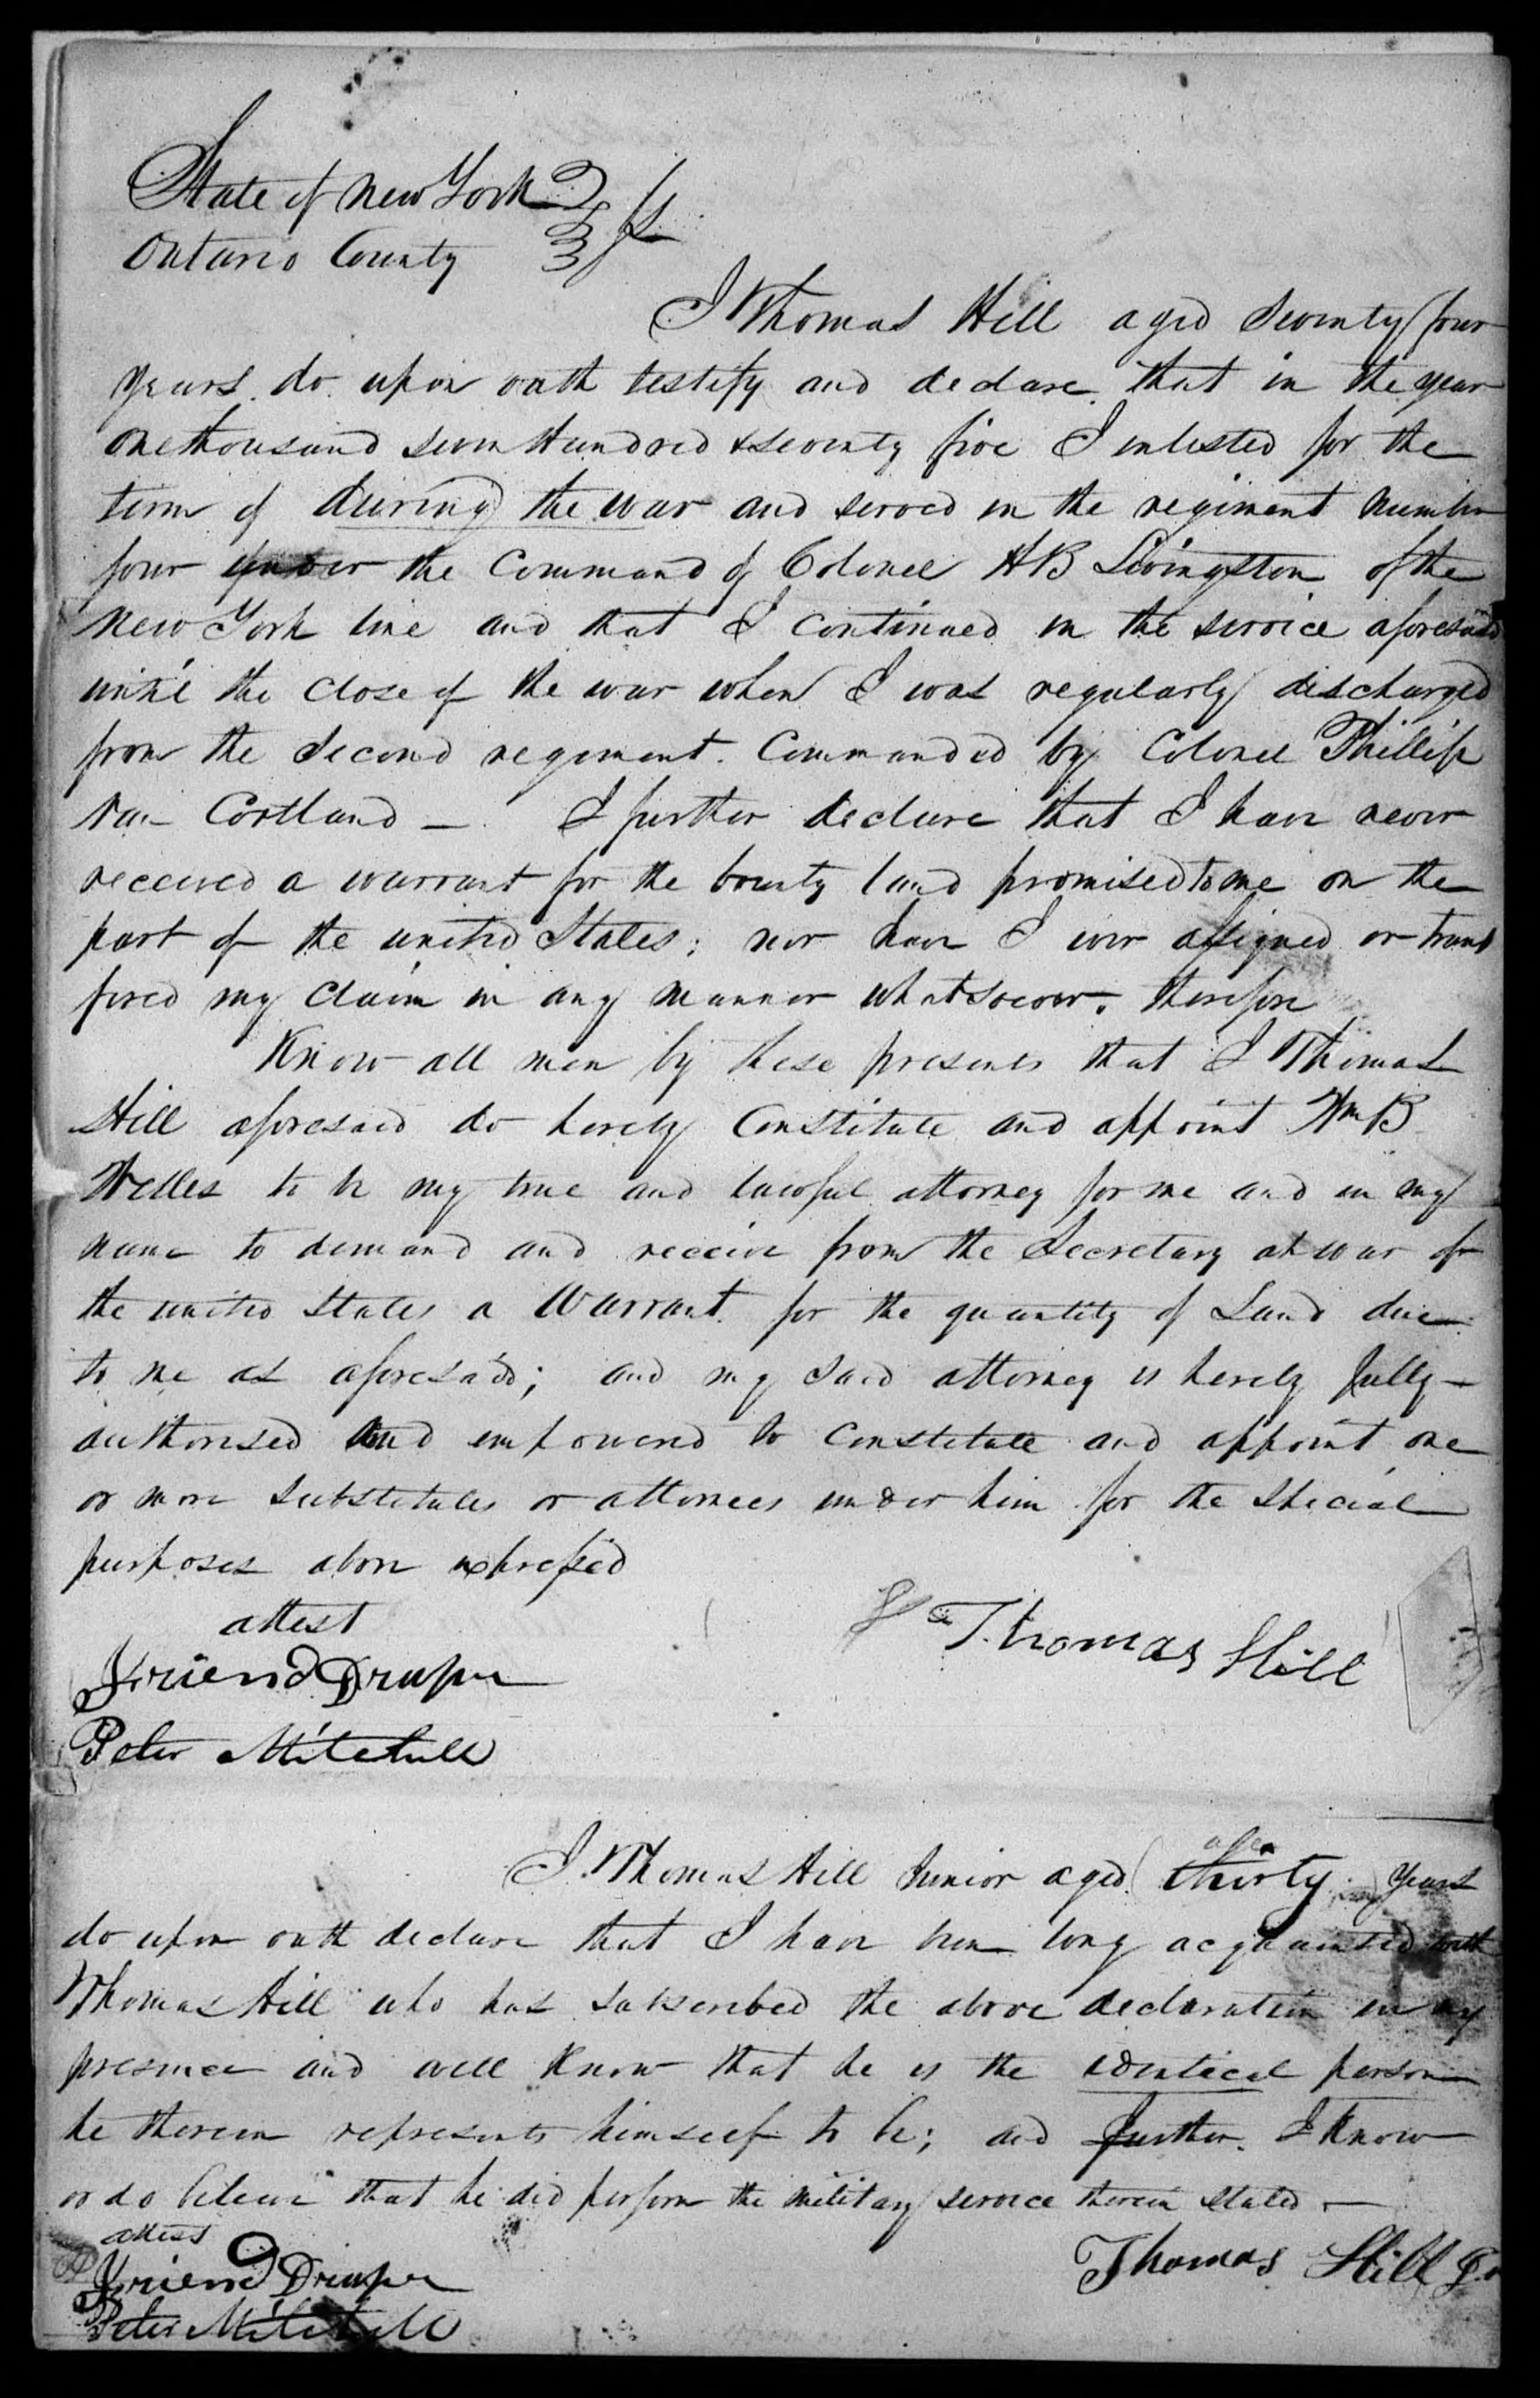State of New York
Ontario County Ss.

I Thomas Hill aged seventy four years do upon oath testify and declare that in the year one thousand seventeen seventy five I inlisted[sic] for the term of during the war[last three words underlined] and served in the regiment number four under the command of Colonel HB Livingston of the New York line and that I continued in the service aforesaid until the close of the war when I was regularly discharged from the second regiment commanded by Colonel Phillip Van Cortland- I further declare that I have never received a warrant for the bounty land promised to me on the part of the United States nor have I  assigned or hand fixed my claim in any manner whatsoever . therefore
Know- all men by these presents that I Thomas Hill aforesaid do hereby constitute and appoint Wm B Welles to be my true and lawful attorney for me and in my name to demand and receive from the Secretary of war of the United States a warrant for the quantity of Land due to me at aforesaid; and my said attorney is hereby fully authorized and endowed to constitute and appoint one or more substitutes or attornees [sic] under him for the official purposes above [illegible]
Thomas Hill[name right-justified]
attest
Friend Draper
Peter Mitchell
Thomas Hill [paper seal]
I Thomas Hill Junior aged thirty years do upon oath declare that I have been long acquainted with Thomas Hill who has subscribed the above declaration in my presence and well know- that he is the identical person he therein represents himself to be; and further I know and do believe that he did perform the military service therein stated-
Thomas Hill J.r[name right-justified]
attest
Friend Draper
Peter Mitchell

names: Friend Draper, Thomas Hill, Thomas Hill, Phillip Van Cortland, Wm B Welles, H B Livingston, Thomas Hill, Thomas Hill, Thomas Hill, Peter Mitchell, Peter Mitchell, Thomas Hill, Friend Draper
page: 17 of 31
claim: survivor's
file: S. 43672, Thomas Hill, New York